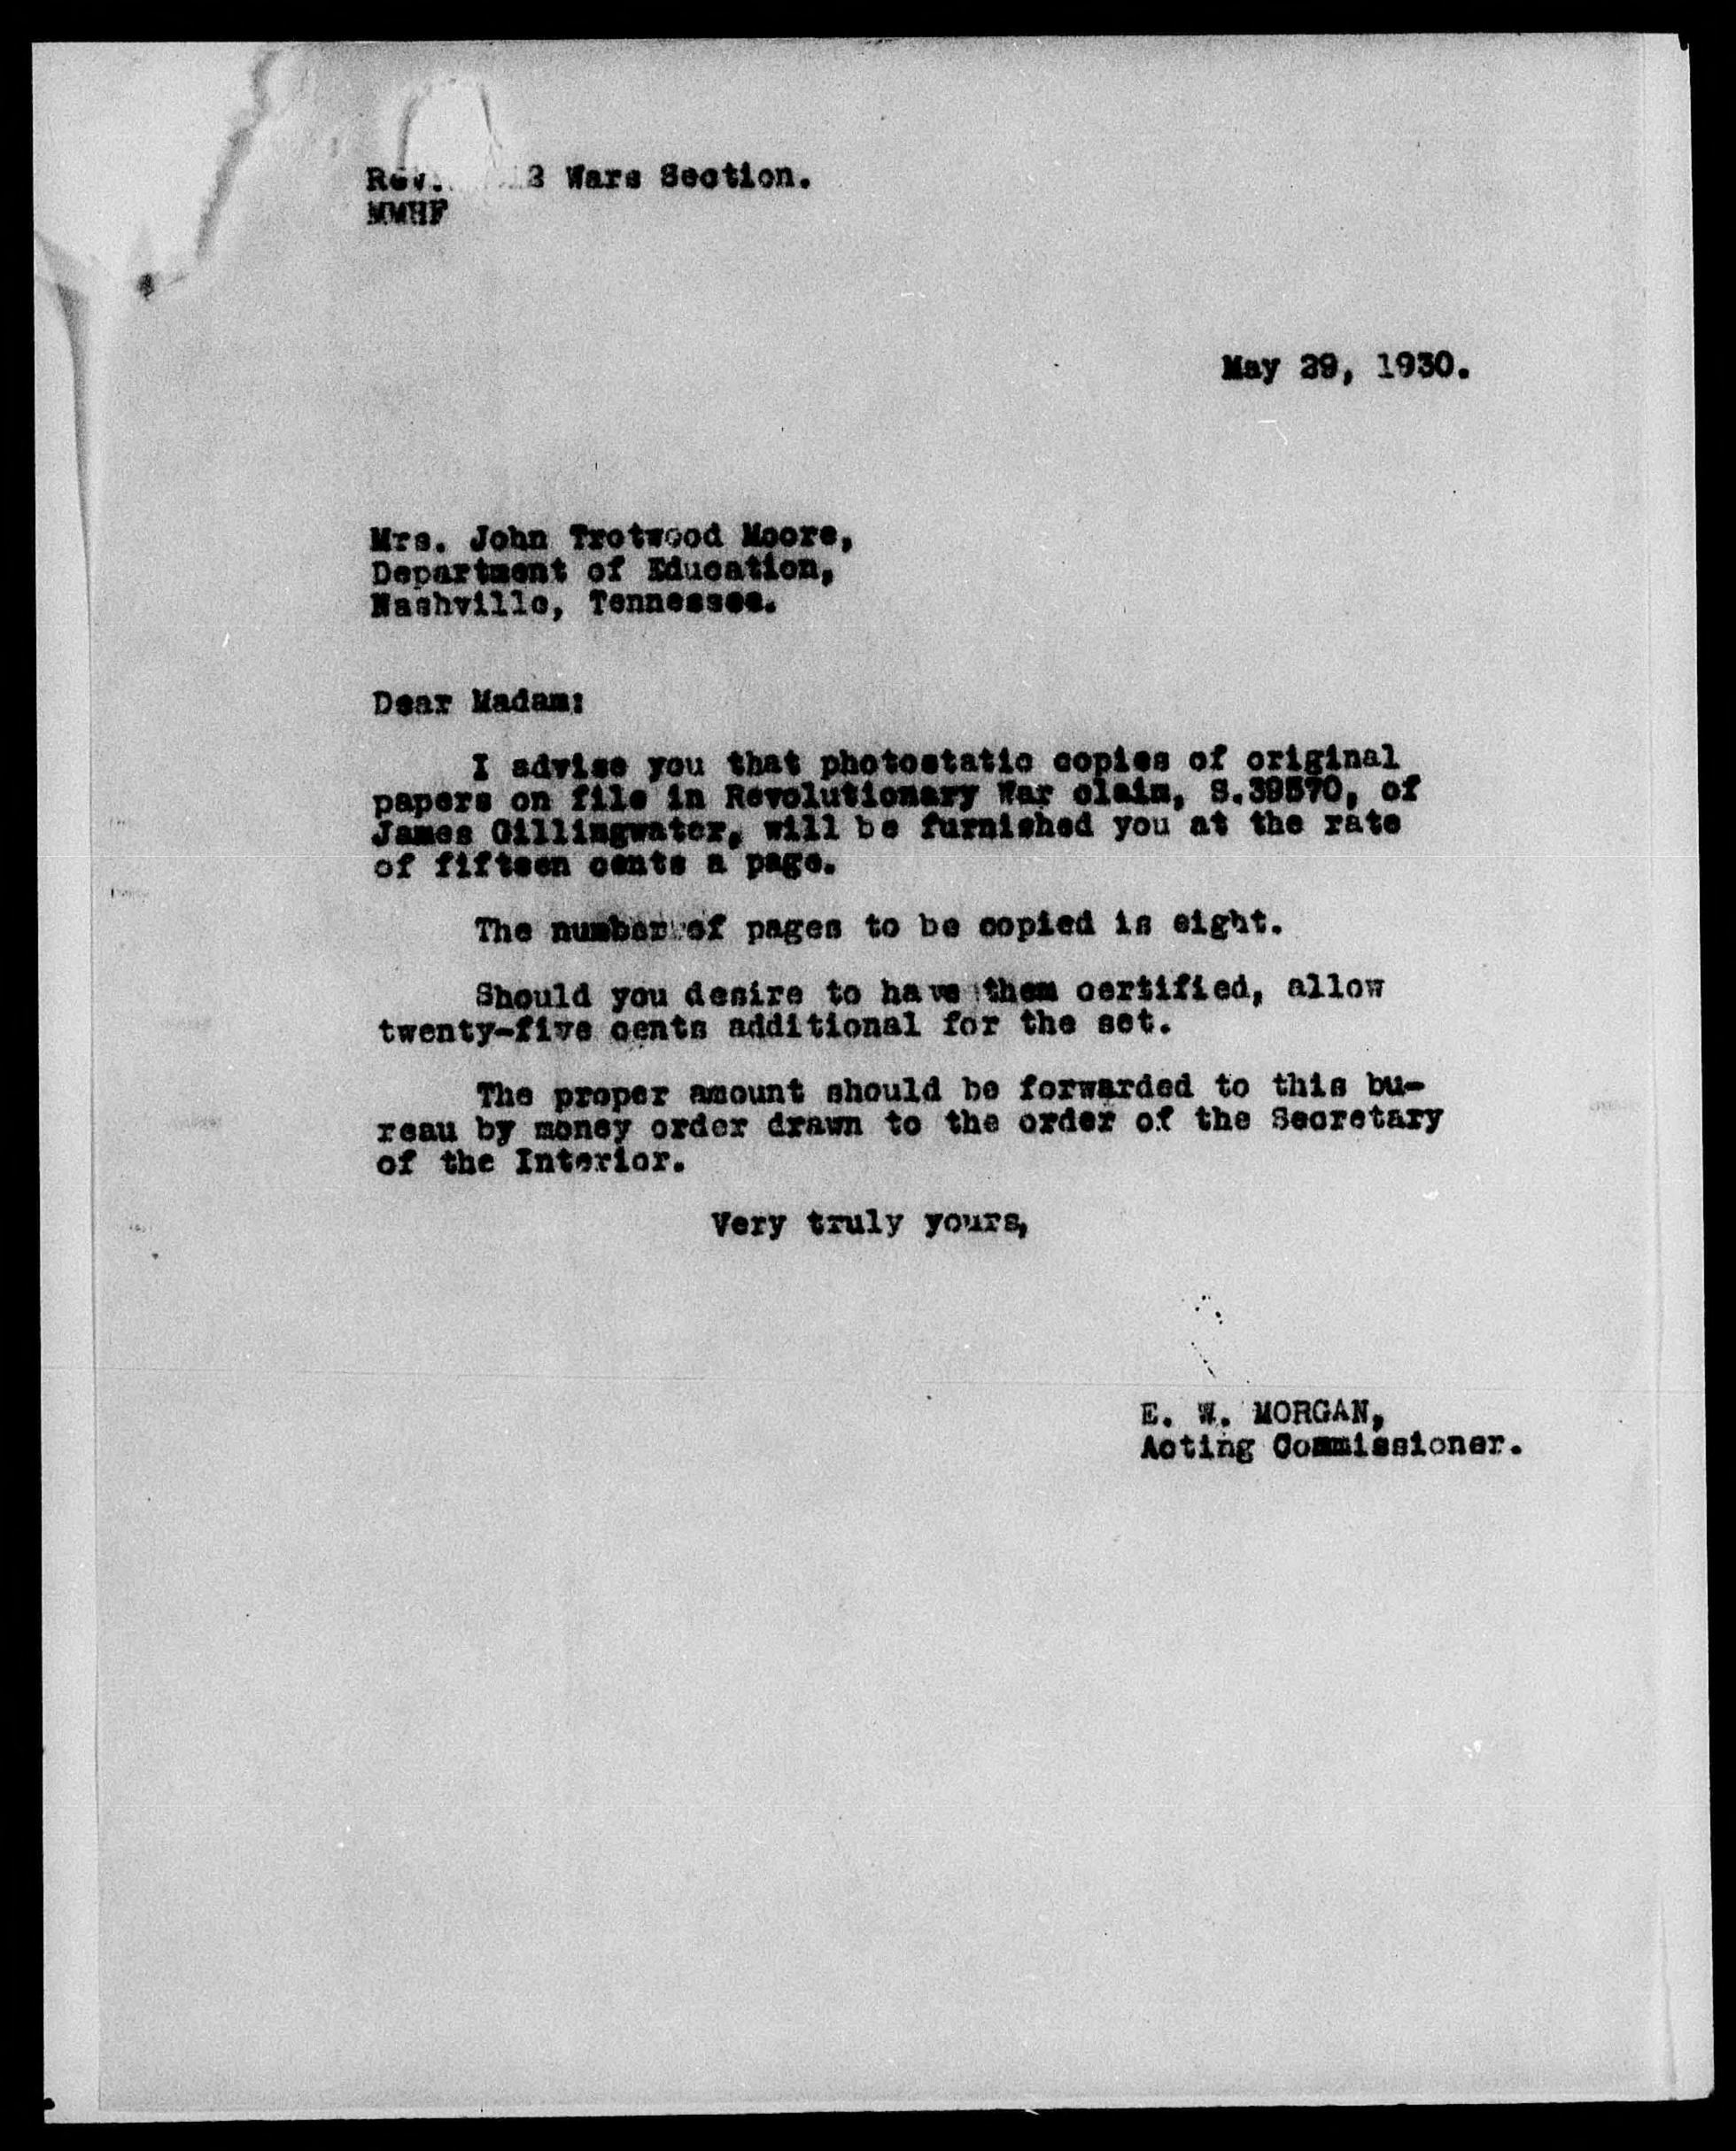[Partially illegible. "R—"] Wars Section.
MMHF

May 29, 1930.

Mrs. John Trotwood Moore,
Department of Education,
Nashville, Tennessee.

Dear Madam:
I advise you that photostatic copies of original papers on file in Revolutionary War claim, S.39570, of James Gillingwater, will be furnished you at the rate of fifteen cents a page.
The number of pages to be copied is eight.
Should you desire to have them certified, allow twenty-five cents additional for the set.
The proper amount should be forwarded to this bureau by money order drawn to the order of the Secretary of the Interior.
Very truly yours,
E. W. MORGAN,
Acting Commissioner.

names: James Gillingwater, John Trotwood, E W Morgan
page: 35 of 36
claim: survivor's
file: S. 39570, James Gillingwater, Va.